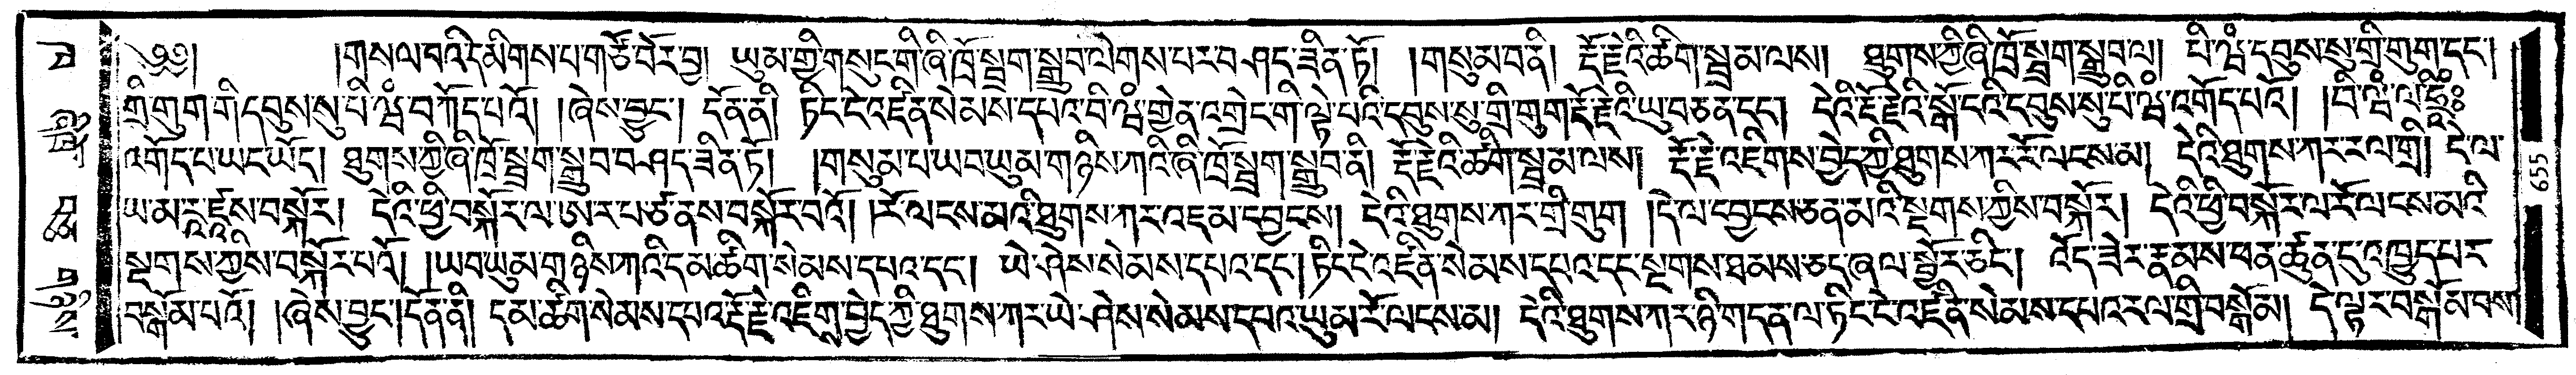༄༅། །གསལ་བའི་དམིགས་པ་གཙོ་བོར་བྱ། ཡུམ་གྱི་གསུང་གི་ཞི་ཁྲོ་སྦྲག་སྒྲུབ་ལེགས་པར་བཤད་ཟིན་ཏོ། །གསུམ་པ་ནི། རྡོ་རྗེའི་ཚིག་སྦྲམ་ལས། ཐུགས་ཀྱི་ཞི་ཁྲོ་སྦྲག་སྒྲུབ་ལ། པི་ཝཾ་དབུས་སུ་གྲི་གུག་དང་།
གྲི་གུག་གི་དབུས་སུ་པི་ཝཾ་བཀོད་པའོ། །ཞེས་བྱུང་། དོན་ནི། ཏིང་ངེ་འཛིན་སེམས་དཔའ་པི་ཝཾ་གྱེན་འགྲེང་གི་ལྟེ་པའི་དབུས་སུ་གྲི་གུག་རྡོ་རྗེའི་ཡུ་བ་ཅན་དང་། དེའི་རྡོ་རྗེའི་སྒོ་ངའི་དབུས་སུ་པི་ཝཾ་འགོད་པའོ། །པི་ཝཾ་ལ་ཧྲཱིཾཿ
འགོད་པ་ཡང་ཡོད། ཐུགས་ཀྱི་ཞི་ཁྲོ་སྦྲག་སྒྲུབ་བཤད་ཟིན་ཏོ། །གསུམ་པ་ཡབ་ཡུམ་གཉིས་ཀའི་ཞི་ཁྲོ་སྦྲག་སྒྲུབ་ནི། རྡོ་རྗེའི་ཚིག་སྦྲམ་ལས། རྡོ་རྗེ་འཇིགས་བྱེད་ཀྱི་ཐུགས་ཀར་རོ་ལངས་མ། དེའི་ཐུགས་ཀར་རལ་གྲི། དེ་ལ་
ཡ་མ་རཱ་ཛཱས་བསྐོར། དེའི་ཕྱི་བསྐོར་ལ་ཨ་ར་པ་ཙ་ནས་བསྐོར་བའོ། །རོ་ལངས་མའི་ཐུགས་ཀར་འཇམ་དབྱངས། དེའི་ཐུགས་ཀར་གྲི་གུག །དེ་ལ་དབྱངས་ཅན་མའི་སྔགས་ཀྱིས་བསྐོར། དེའི་ཕྱི་བསྐོར་ལ་རོ་ལངས་མའི་
སྔགས་ཀྱིས་བསྐོར་པའོ། །ཡབ་ཡུམ་གཉིས་ཀའི་དམ་ཚིག་སེམས་དཔའ་དང་། ཡེ་ཤེས་སེམས་དཔའ་དང་། ཏིང་ངེ་འཛིན་སེམས་དཔའ་དང་སྔགས་ཐམས་ཅད་ཞལ་སྦྱོར་ཅིང་། འོད་ཟེར་རྣམས་ཕན་ཚུན་དུ་འཁྱུད་པར་
བསྒོམ་པའོ། །ཞེས་བྱུང་། དོན་ནི། དམ་ཚིག་སེམས་དཔའ་རྡོ་རྗེ་འཇིགས་བྱེད་ཀྱི་ཐུགས་ཀར་ཡེ་ཤེས་སེམས་དཔའ་ཡུམ་རོ་ལངས་མ། དེའི་ཐུགས་ཀར་ཉི་གདན་ལ་ཏིང་ངེ་འཛིན་སེམས་དཔའ་རལ་གྲི་བསྒོམ། དེ་ལྟར་བསྒོམ་བས་